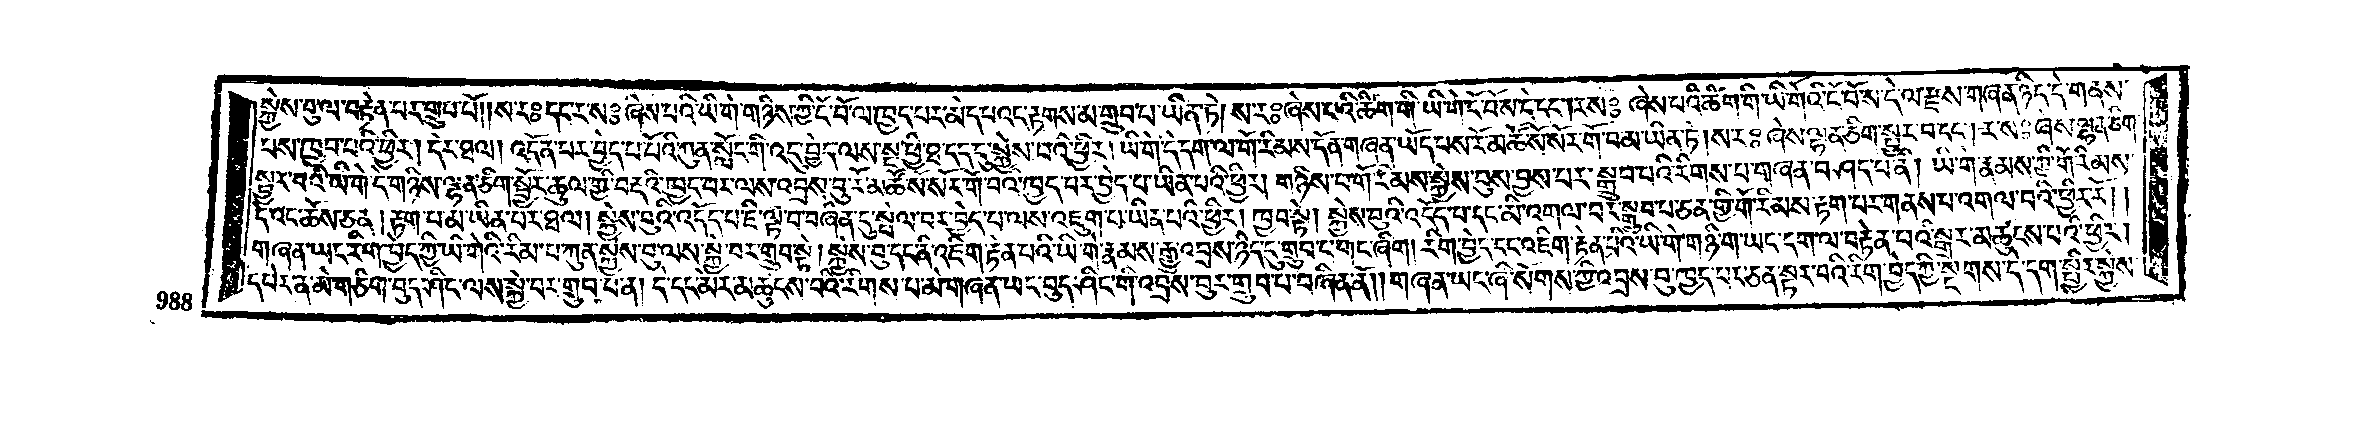སྐྱེས་བུ་ལ་བརྟེན་པར་གྲུབ་པོ། །ས་རཿ དང་ར་སཿ ཞེས་པའི་ཡི་གེ་གཉིས་ཀྱི་ངོ་བོ་ལ་ཁྱད་པར་མེད་པའང་རྟགས་མ་གྲུབ་པ་ཡིན་ཏེ། ས་རཿ ཞེས་པའི་ཚིག་གི་ཡི་གེ་ངོ་བོ་ས་དེ་དང་། ར་སཿ ཞེས་པའི་ཚིག་གི་ཡི་གེའི་ངོ་བོ་ས་དེ་ལ་རྫས་གཞན་ཉིད་དེ་གནས་
པས་ཁྱབ་པའི་ཕྱིར། དེར་ཐལ། འདོན་པར་བྱེད་པ་པོའི་ཀུན་སློང་གི་འདུ་བྱེད་ལས་སྔ་ཕྱི་ཐ་དད་དུ་སྐྱེས་པའི་ཕྱིར། ཡི་གེ་དེ་དག་ལ་གོ་རིམས་དོན་གཞན་ཡོད་པས་རོ་མཚོ་སོ་སོར་གོ་བ་མ་ཡིན་ཏེ། ས་རཿ ཞེས་ལྷན་ཅིག་སྦྱར་བ་དང་། ར་སཿ ཞེས་ལྷན་ཅིག་
སྦྱར་བའི་ཡི་གེ་དེ་གཉིས་ལྷན་ཅིག་སྦྱོར་ཚུལ་གྱི་བརྡའི་ཁྱད་པར་ལས་འབྲས་བུ་རོ་མཚོ་སོ་སོར་གོ་བའི་ཁྱད་པར་བྱེད་པ་ཡིན་པའི་ཕྱིར། གཉིས་པ་གོ་རིམས་སྐྱེས་བུས་བྱས་པར་སྒྲུབ་པའི་རིགས་པ་གཞན་བཤད་པ་ནི། ཡི་གེ་རྣམས་ཀྱི་གོ་རིམས་
དེའང་ཆོས་ཅན། རྟག་པ་མ་ཡིན་པར་ཐལ། སྐྱེས་བུའི་འདོད་པ་ཇི་ལྟ་བ་བཞིན་དུ་སྤེལ་བར་བྱེད་པ་ལས་འཇུག་པ་ཡིན་པའི་ཕྱིར། ཁྱབ་སྟེ། སྐྱེས་བུའི་འདོད་པ་དང་མི་འགལ་བར་སྒྲུབ་པ་ཅན་གྱི་གོ་རིམས་རྟག་པར་གནས་པ་འགལ་བའི་ཕྱིར་རོ། །
གཞན་ཡང་རིག་བྱེད་ཀྱི་ཡི་གེའི་རིམ་པ་ཀུན་སྐྱེས་བུ་ལས་སྐྱེ་བར་གྲུབ་སྟེ། སྐྱེས་བུ་དང་ནི་འཇིག་རྟེན་པའི་ཡི་གེ་རྣམས་རྒྱུ་འབྲས་ཉིད་དུ་གྲུབ་པ་གང་ཞིག །རིག་བྱེད་དང་འཇིག་རྟེན་པའི་ཡི་གེ་གཉི་ག་ཡང་དག་ལ་བརྟེན་པའི་སྒྲར་མཚུངས་པའི་ཕྱིར།
དཔེར་ན་མེ་གཅིག་བུད་ཤིང་ལས་སྐྱེ་བར་གྲུབ་པ་ན། དེ་དང་མེར་མཚུངས་པའི་རིགས་པ་མེ་གཞན་ཡང་བུད་ཤིང་གི་འབྲས་བུར་གྲུབ་པ་བཞིན་ནོ། །གཞན་ཡང་ཞི་སོགས་ཀྱི་འབྲས་བུ་ཁྱད་པར་ཅན་སྟར་བའི་རིག་བྱེད་ཀྱི་སྔགས་དེ་དག་སྤྱིར་སྐྱེས་